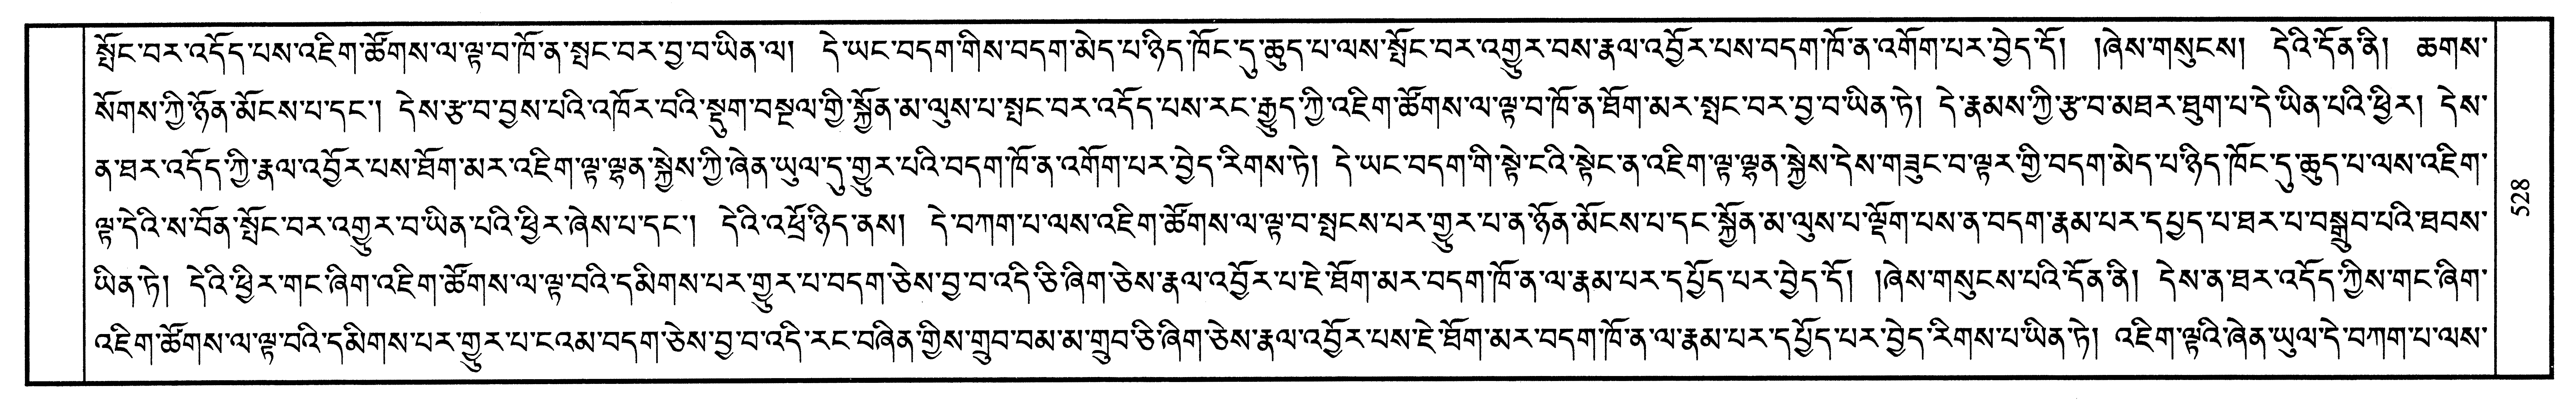སྤོང་བར་འདོད་པས་འཇིག་ཚོགས་ལ་ལྟ་བ་ཁོ་ན་སྤང་བར་བྱ་བ་ཡིན་ལ། དེ་ཡང་བདག་གིས་བདག་མེད་པ་ཉིད་ཁོང་དུ་ཆུད་པ་ལས་སྤོང་བར་འགྱུར་བས་རྣལ་འབྱོར་པས་བདག་ཁོ་ན་འགོག་པར་བྱེད་དོ། །ཞེས་གསུངས། དེའི་དོན་ནི། ཆགས་
སོགས་ཀྱི་ཉོན་མོངས་པ་དང་། དེས་རྩ་བ་བྱས་པའི་འཁོར་བའི་སྡུག་བསྔལ་གྱི་སྐྱོན་མ་ལུས་པ་སྤང་བར་འདོད་པས་རང་རྒྱུད་ཀྱི་འཇིག་ཚོགས་ལ་ལྟ་བ་ཁོ་ན་ཐོག་མར་སྤང་བར་བྱ་བ་ཡིན་ཏེ། དེ་རྣམས་ཀྱི་རྩ་བ་མཐར་ཐུག་པ་དེ་ཡིན་པའི་ཕྱིར། དེས་
ན་ཐར་འདོད་ཀྱི་རྣལ་འབྱོར་པས་ཐོག་མར་འཇིག་ལྟ་ལྷན་སྐྱེས་ཀྱི་ཞེན་ཡུལ་དུ་གྱུར་པའི་བདག་ཁོ་ན་འགོག་པར་བྱེད་རིགས་ཏེ། དེ་ཡང་བདག་གི་སྟེ་ངའི་སྟེང་ན་འཇིག་ལྟ་ལྷན་སྐྱེས་དེས་གཟུང་བ་ལྟར་གྱི་བདག་མེད་པ་ཉིད་ཁོང་དུ་ཆུད་པ་ལས་འཇིག་
ལྟ་དེའི་ས་བོན་སྤོང་བར་འགྱུར་བ་ཡིན་པའི་ཕྱིར་ཞེས་པ་དང་། དེའི་འཕྲོ་ཉིད་ནས། དེ་བཀག་པ་ལས་འཇིག་ཚོགས་ལ་ལྟ་བ་སྤངས་པར་གྱུར་པ་ན་ཉོན་མོངས་པ་དང་སྐྱོན་མ་ལུས་པ་ལྡོག་པས་ན་བདག་རྣམ་པར་དཔྱད་པ་ཐར་པ་བསྒྲུབ་པའི་ཐབས་
ཡིན་ཏེ། དེའི་ཕྱིར་གང་ཞིག་འཇིག་ཚོགས་ལ་ལྟ་བའི་དམིགས་པར་གྱུར་པ་བདག་ཅེས་བྱ་བ་འདི་ཅི་ཞིག་ཅེས་རྣལ་འབྱོར་བ་ཇེ་ཐོག་མར་བདག་ཁོ་ན་ལ་རྣམ་པར་དཔྱོད་པར་བྱེད་དོ། །ཞེས་གསུངས་པའི་དོན་ནི། དེས་ན་ཐར་འདོད་ཀྱིས་གང་ཞིག་
འཇིག་ཚོགས་ལ་ལྟ་བའི་དམིགས་པར་གྱུར་པ་ངའམ་བདག་ཅེས་བྱ་བ་འདི་རང་བཞིན་གྱིས་གྲུབ་བམ་མ་གྲུབ་ཅི་ཞིག་ཅེས་རྣལ་འབྱོར་པས་ཇེ་ཐོག་མར་བདག་ཁོ་ན་ལ་རྣམ་པར་དཔྱོད་པར་བྱེད་རིགས་པ་ཡིན་ཏེ། འཇིག་ལྟའི་ཞེན་ཡུལ་དེ་བཀག་པ་ལས་